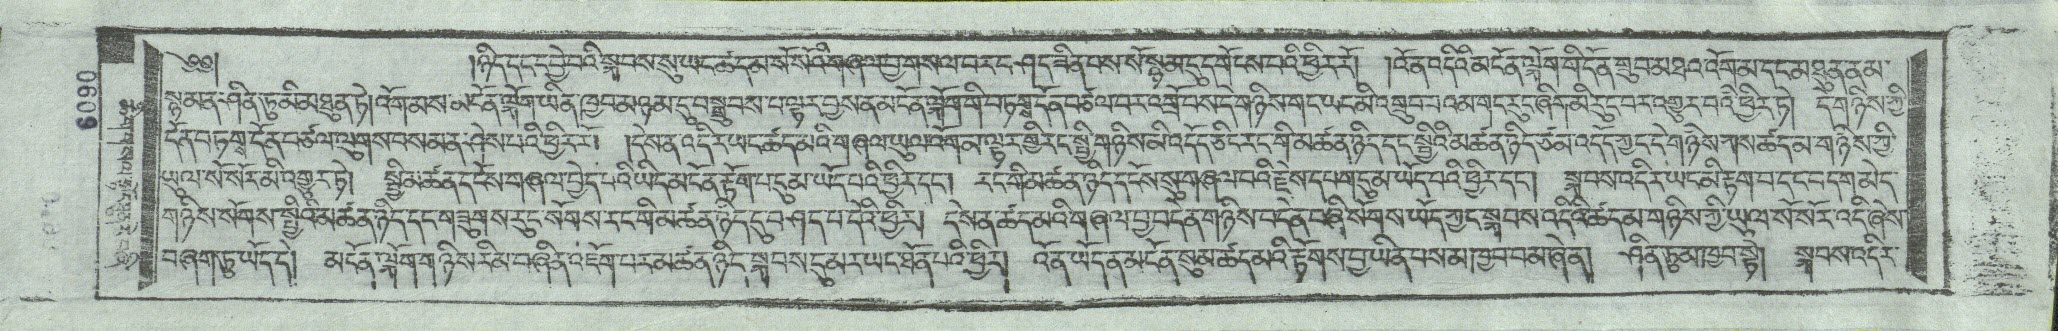༄༅། །ཉིད་དང་དབྱེ་བའི་སྐབས་སུ་ཡང་ཚད་མ་སོ་སོའི་གཞལ་བྱ་གསལ་བར་བཤད་ཟིན་པས་སོ་སྙམ་དུ་དགོངས་པའི་ཕྱིར་རོ། །འོ་ན་འདིའི་མངོན་ལྐོག་གི་དོན་གྲུབ་མཐའ་འོག་མ་དང་མཐུན་ནམ་
སྙམ་ན་ཤིན་ཏུ་མི་མཐུན་ཏེ། འོག་མས་མངོན་ལྐོག་ཡིན་ཁྱབ་མཉམ་དུ་བསྒྲུབས་བ་ལྟར་བྱས་ན་མངོན་ལྐོག་གི་བཏགས་དོན་བཙལ་བར་འགྲོ་བས་དེ་གཉིས་གང་ཡང་མི་འགྲུབ་པའམ་གང་རུང་ཞིག་མི་རུང་བར་འགྱུར་བའི་ཕྱིར་ཏེ། དེ་གཉིས་ཀྱི་
དོན་བཏགས་དོན་བཙལ་ལུགས་བསམ་ན་ཤེས་པའི་ཕྱིར་རོ། །དེས་ན་འདིར་ཡང་ཚད་མའི་གཞལ་ཡུལ་འོག་མ་ལྟར་གྱི་རང་སྤྱི་གཉིས་མི་འདོད་ཅིང་རང་གི་མཚན་ཉིད་དང་སྤྱིའི་མཚན་ཉིད་ཙམ་འདོད་ཀྱང་དེ་གཉིས་ཀས་ཚད་མ་གཉིས་ཀྱི་
ཡུལ་སོ་སོར་མི་འགྱུར་ཏེ། སྤྱི་མཚན་དངོས་གཞལ་བྱེད་པའི་ཡིད་མངོན་རྟོག་པ་དུ་མ་ཡོད་པའི་ཕྱིར་དང་། རང་གི་མཚན་ཉིད་དངོས་སུ་གཞལ་བའི་རྗེས་དཔག་དུ་མ་ཡོད་པའི་ཕྱིར་དང་། སྐབས་འདིར་ཡང་མི་རྟག་པ་དང་བདག་མེད་
གཉིས་སོགས་སྤྱིའི་མཚན་ཉིད་དང་གཟུགས་རུང་སོགས་རང་གི་མཚན་ཉིད་དུ་བཤད་པ་དེའི་ཕྱིར། དེས་ན་ཚད་མའི་གཞལ་བྱ་བདེན་གཉིས་བདེན་བཞི་སོགས་ཡོད་ཀྱང་སྐབས་འདིའི་ཚད་མ་གཉིས་ཀྱི་ཡུལ་སོ་སོར་འདི་ཞེས་
བཞག་ཏུ་ཡོད་དེ། མངོན་ལྐོག་གཉིས་རིམ་བཞིན་འཇོག་པར་མཚན་ཉིད་སྐབས་དུ་མར་ཡང་ཐོན་པའི་ཕྱིར། འོ་ན་ཡོད་ན་མངོན་སུམ་ཚད་མའི་རྟོགས་བྱ་ཡིན་པས་མ་ཁྱབ་བམ་ཞེ་ན། ཤིན་ཏུ་མ་ཁྱབ་སྟེ། སྐབས་འདིར་